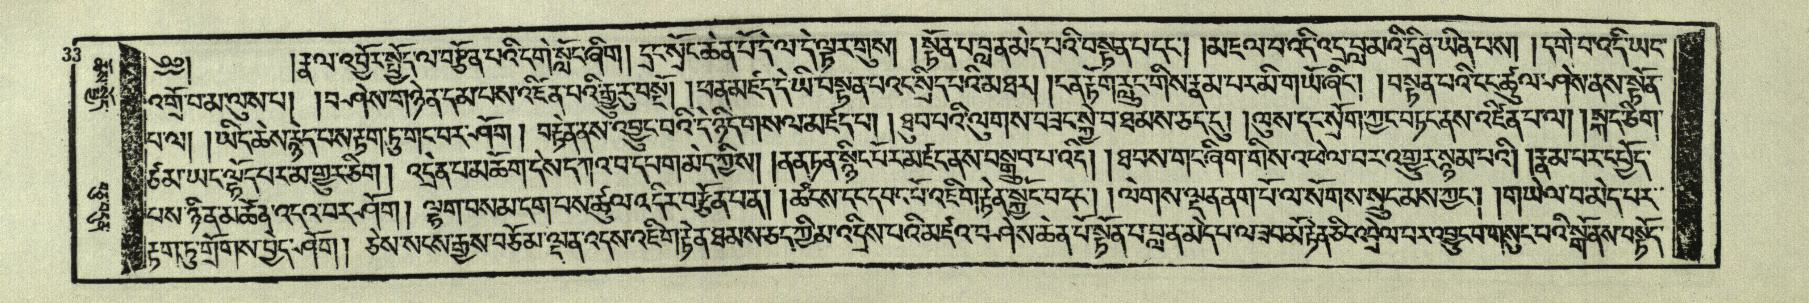༄༅། །རྣལ་འབྱོར་སྤྱོད་ལ་བརྩོན་པའི་དགེ་སློང་ཞིག། དྲང་སྲོང་ཆེན་པོ་དེ་ལ་དེ་ལྟར་གུས། །སྟོན་པ་བླ་ན་མེད་པའི་བསྟན་པ་དང་། །མཇལ་བ་འདི་འདྲ་བླ་མའི་དྲིན་ཡིན་པས། །དགེ་བ་འདི་ཡང་
འགྲོ་བ་མ་ལུས་པ། །བཤེས་གཉེན་དམ་པས་འཛིན་པའི་རྒྱུ་རུ་བསྔོ། །ཕན་མཛད་དེ་ཡི་བསྟན་པའང་སྲིད་པའི་མཐར། །ངན་རྟོག་རླུང་གིས་རྣམ་པར་མི་གཡོ་ཞིང་། །བསྟན་པའི་ངང་ཚུལ་ཤེས་ནས་སྟོན་
པ་ལ། །ཡིད་ཆེས་རྙེད་པས་རྟག་ཏུ་གང་བར་ཤོག། བརྟེན་ནས་འབྱུང་བའི་དེ་ཉིད་གསལ་མཛད་པ། །ཐུབ་པའི་ལུགས་བཟང་སྐྱེ་བ་ཐམས་ཅད་དུ། །ལུས་དང་སྲོག་ཀྱང་བཏང་ནས་འཛིན་པ་ལ། །སྐད་ཅིག་
ཙམ་ཡང་ལྷོད་པར་མ་གྱུར་ཅིག། འདྲེན་པ་མཆོག་དེས་དཀའ་བ་དཔག་མེད་ཀྱིས། །ནན་ཏན་སྙིང་པོར་མཛད་ནས་བསྒྲུབ་པ་འདི། །ཐབས་གང་ཞིག་གིས་འཕེལ་བར་འགྱུར་སྙམ་པའི། །རྣམ་པར་དཔྱོད་
པས་ཉིན་མཚོན་འདའ་བར་ཤོག། ལྷག་བསམ་དག་པས་ཚུལ་འདིར་བརྩོན་པ་ན། །ཚངས་དང་དབང་པོ་འཇིག་རྟེན་སྐྱོང་བ་དང་། །ལེགས་ལྡན་ནག་པོ་ལ་སོགས་སྲུང་མས་ཀྱང་། །གཡེལ་བ་མེད་པར་
རྟག་ཏུ་གྲོགས་བྱེད་ཤོག། ཅེས་སངས་རྒྱས་བཅོམ་ལྡན་འདས་འཇིག་རྟེན་ཐམས་ཅད་ཀྱི་མ་འདྲིས་པའི་མཛའ་བཤེས་ཆེན་པོ་སྟོན་པ་བླ་ན་མེད་པ་ལ་ཟབ་མོ་རྟེན་ཅིང་འབྲེལ་པར་འབྱུང་བ་གསུང་པའི་སྒོ་ནས་བསྟོད་